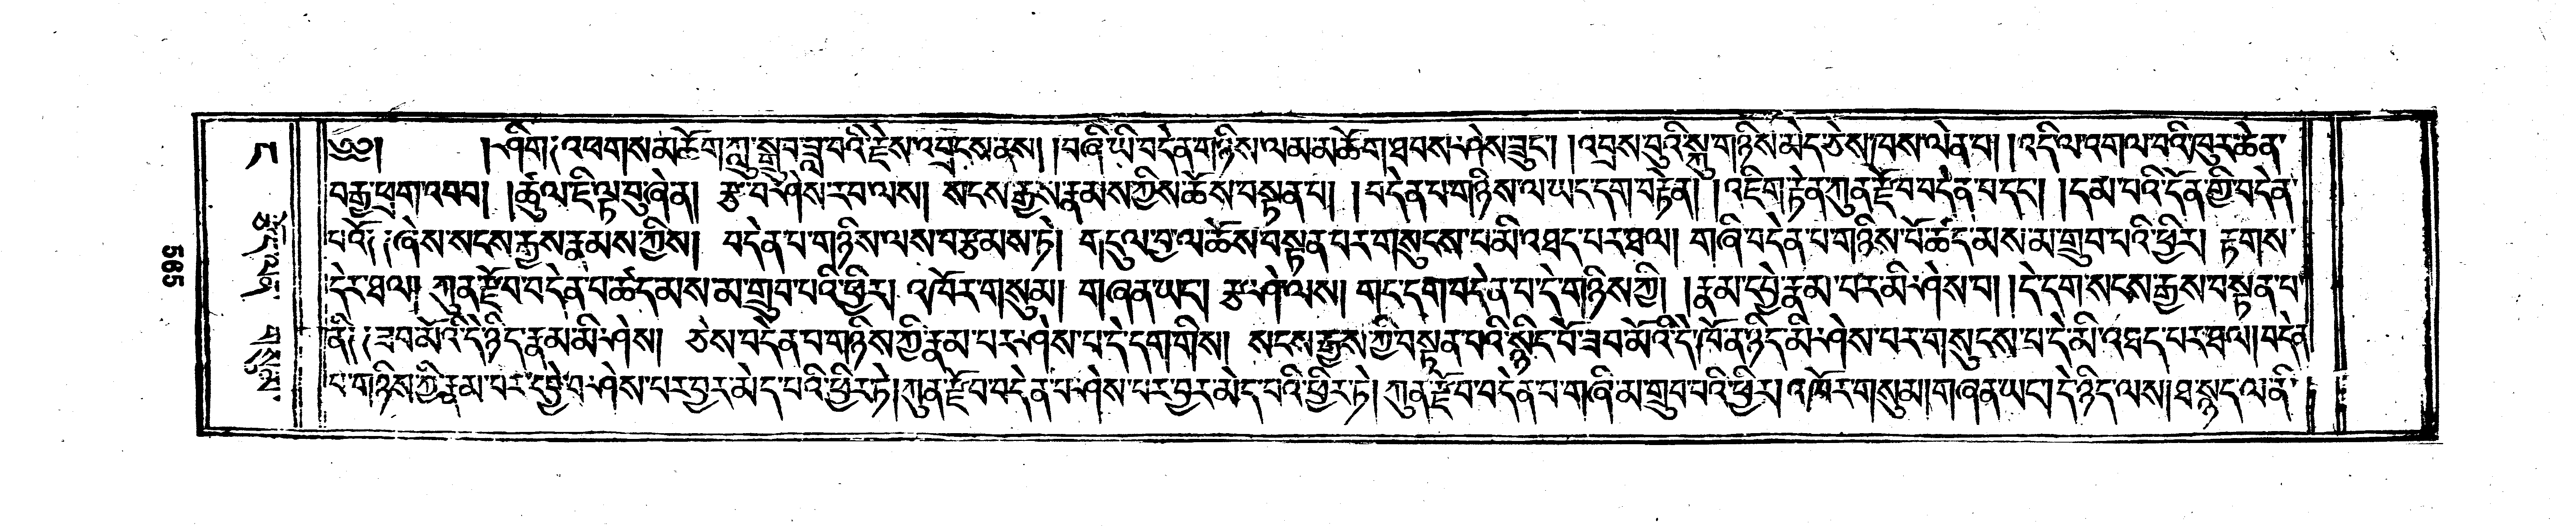༄༅། །ཤིག །འཕགས་མཆོག་ཀླུ་སྒྲུབ་ཟླ་བའི་རྗེས་འབྲངས་ནས། །བཞི་ཡི་བདེན་གཉིས་ལམ་མཆོག་ཐབས་ཤེས་ཟུང་། །འབྲས་བུའི་སྐུ་གཉིས་མེད་ཅེས་ཁས་ལེན་པ། །འདི་ལ་འགལ་བའི་ཁུར་ཆེན་
བརྒྱ་ཕྲག་འབབ། །ཚུལ་ཇི་ལྟ་བུ་ཞེ་ན། རྩ་བ་ཤེས་རབ་ལས། སངས་རྒྱས་རྣམས་ཀྱིས་ཆོས་བསྟན་པ། །བདེན་པ་གཉིས་ལ་ཡང་དག་བརྟེན། །འཇིག་རྟེན་ཀུན་རྫོབ་བདེན་པ་དང་། །དམ་པའི་དོན་གྱི་བདེན་
པའོ། །ཞེས་སངས་རྒྱས་རྣམས་ཀྱིས། བདེན་པ་གཉིས་ལས་བརྩམས་ཏེ། གདུལ་བྱ་ལ་ཆོས་བསྟན་པར་གསུངས་པ་མི་འཐད་པར་ཐལ། གཞི་བདེན་པ་གཉིས་པོ་ཚད་མས་མ་གྲུབ་པའི་ཕྱིར། རྟགས་
དེར་ཐལ། ཀུན་རྫོབ་བདེན་པ་ཚད་མས་མ་གྲུབ་པའི་ཕྱིར། འཁོར་གསུམ། གཞན་ཡང་། རྩ་ཤེ་ལས། གང་དག་བདེན་པ་དེ་གཉིས་ཀྱི། །རྣམ་དབྱེ་རྣམ་པར་མི་ཤེས་པ། །དེ་དག་སངས་རྒྱས་བསྟན་པ་
ནི། །ཟབ་མོའི་དེ་ཉིད་རྣམ་མི་ཤེས། ཅེས་བདེན་པ་གཉིས་ཀྱི་རྣམ་པར་ཤེས་པ་དེ་དག་གིས། སངས་རྒྱས་ཀྱི་བསྟན་པའི་སྙིང་པོ་ཟབ་མོའི་དེ་ཁོ་ན་ཉིད་མི་ཤེས་པར་གསུངས་པ་དེ་མི་འཐད་པར་ཐལ། བདེན་
པ་གཉིས་ཀྱི་རྣམ་པར་དབྱེ་བ་ཤེས་པར་བྱར་མེད་པའི་ཕྱིར་ཏེ། ཀུན་རྫོབ་བདེན་པ་ཤེས་པར་བྱར་མེད་པའི་ཕྱིར་ཏེ། ཀུན་རྫོབ་བདེན་པ་གཞི་མ་གྲུབ་པའི་ཕྱིར། འཁོར་གསུམ། གཞན་ཡང་། དེ་ཉིད་ལས། ཐ་སྙད་ལ་ནི་